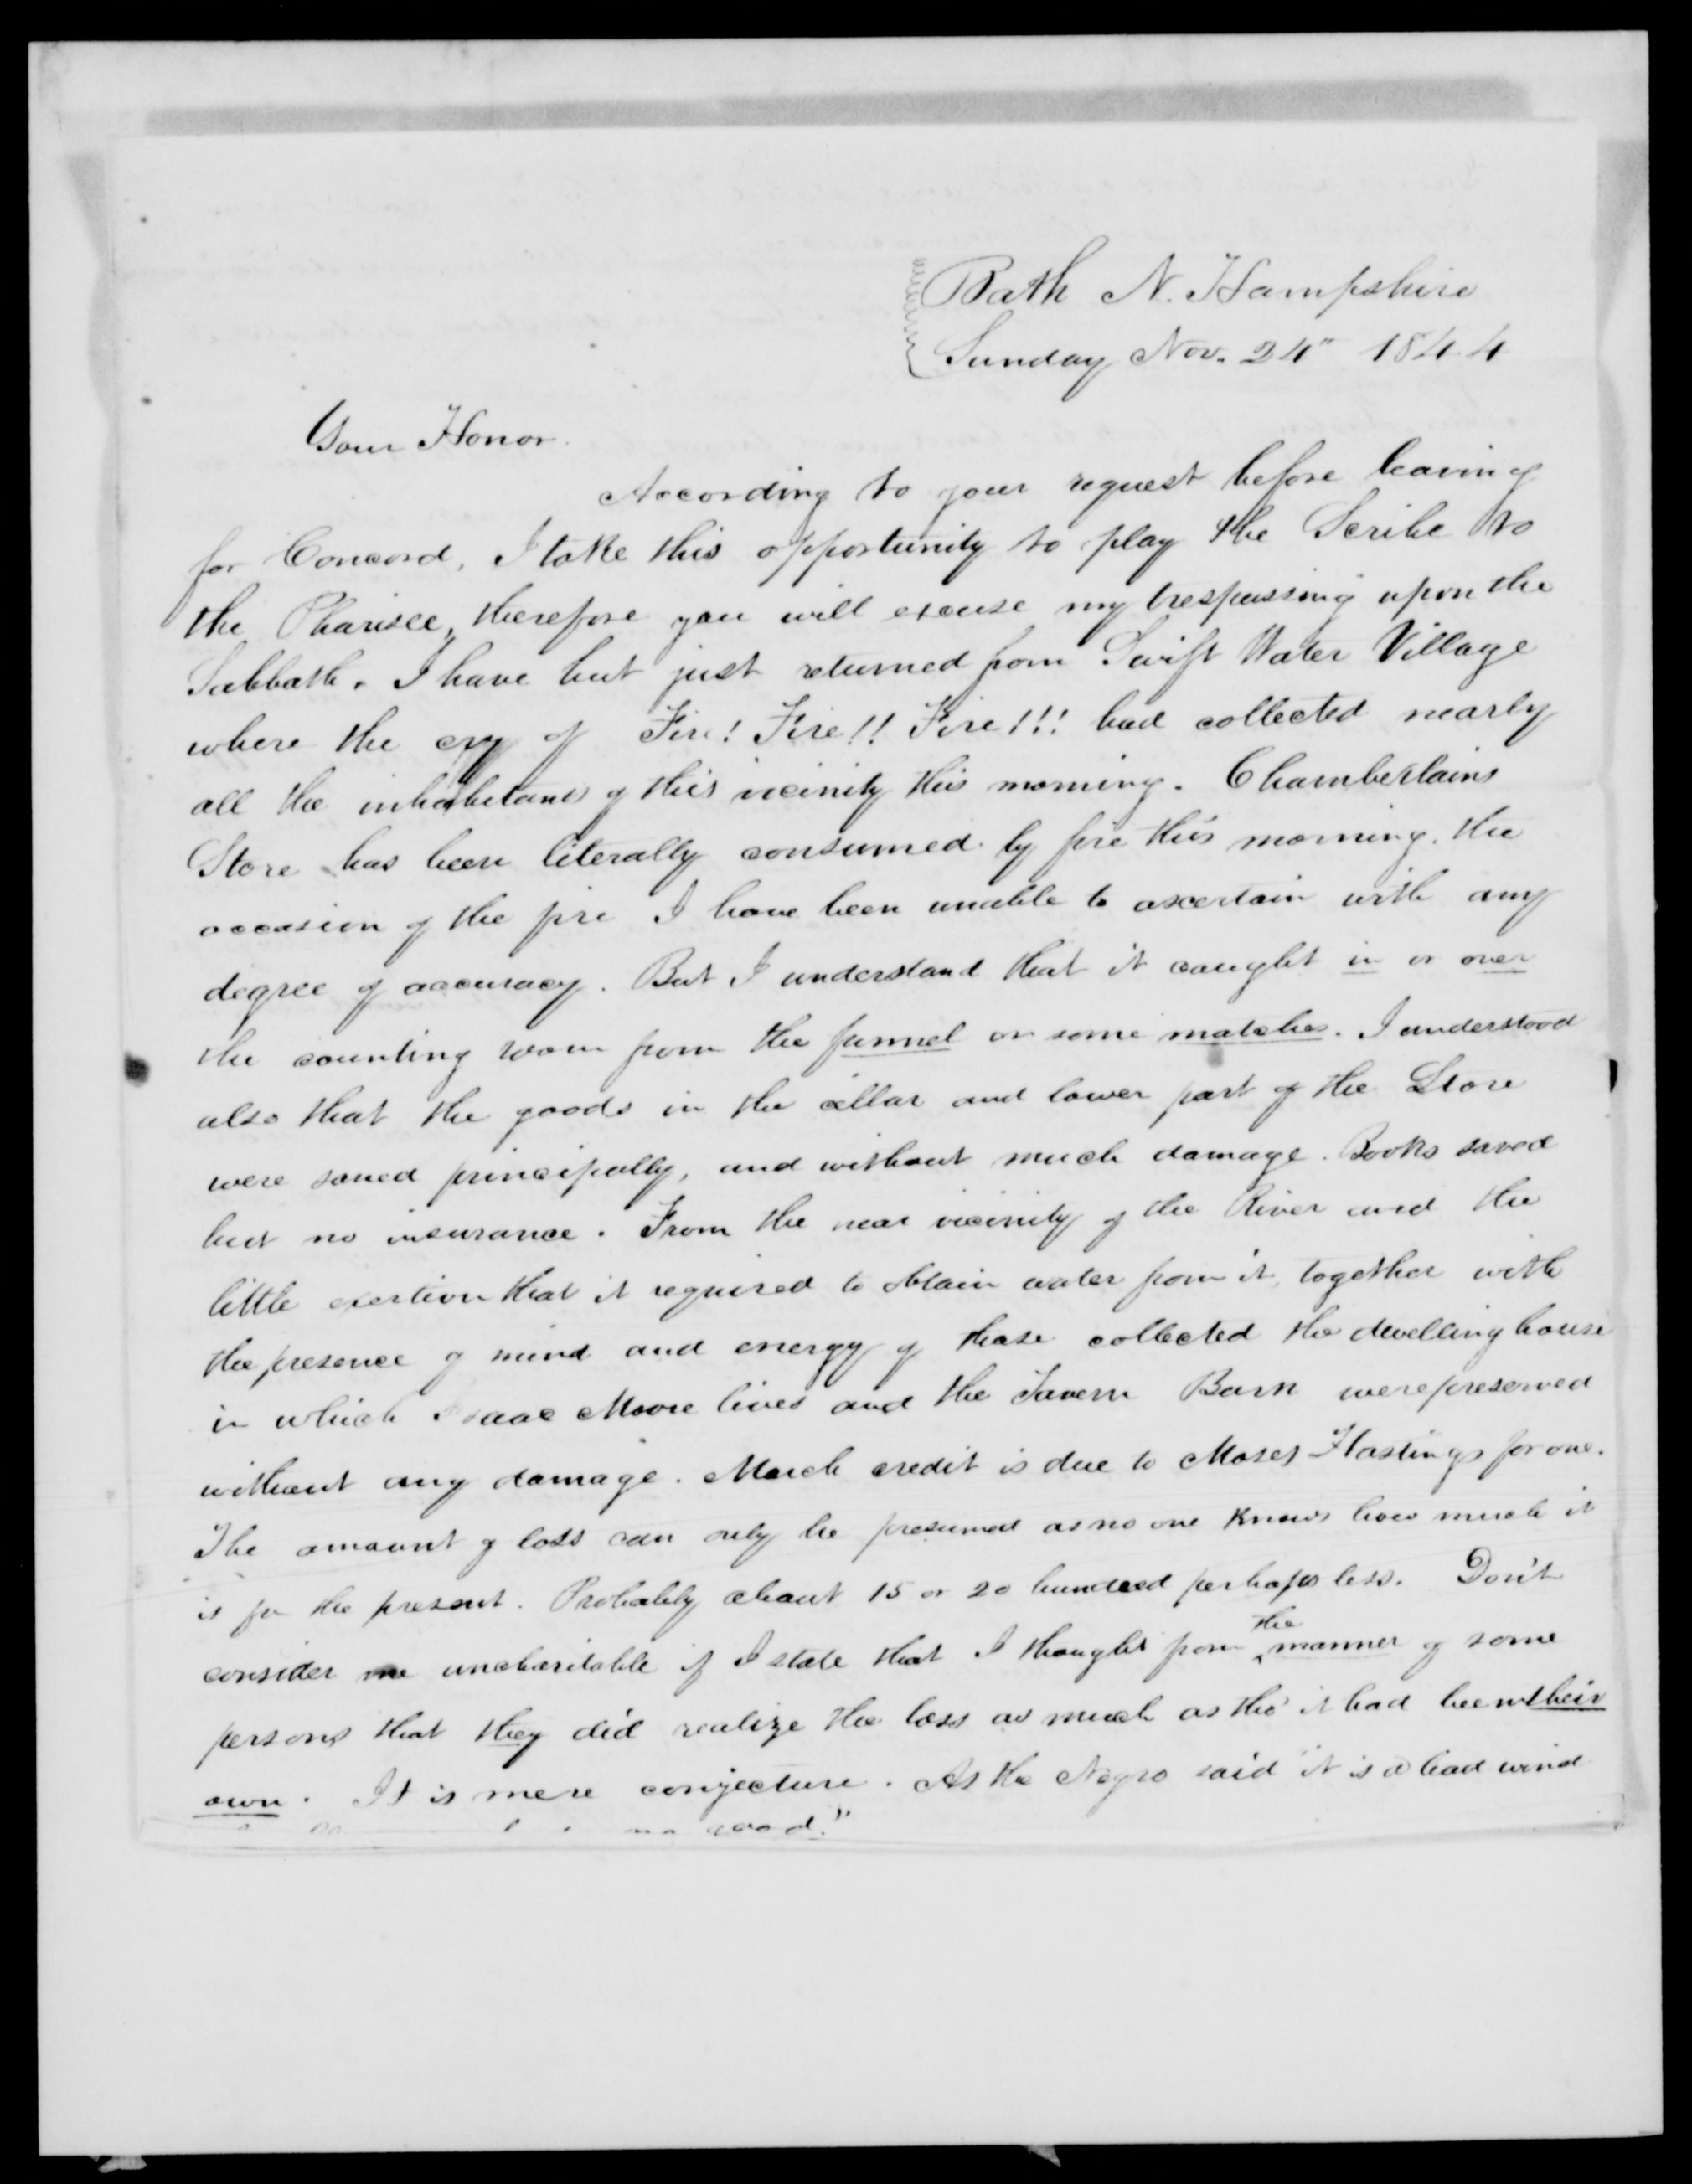Bath N. Hampshire
Sunday Nov. 24th 1844
Your Honor
According to your request before leaving
for Concord, I take this opportunity to play the Scribe to the Pharisee, therefore you will excuse my trespassing upon the
Sabbath. I have but just returned from Swift Water Village
where the cry of Fire! Fire!! Fire!!! had collected nearly
all the inhabitants of this vicinity this morning. Chamberlains
Store has been literally consumed by fire this morning . The
occasion of the fire I have been unable to ascertain with any
degree of accuracy. But I understand that it caught in or over
the counting room from the pannel or some matches. I understood
also that the goods in the cellar and lower part of the Store
were saved principally, and without much damage. Books saved
but no insurance. From the near vicinity of the River and the
little exertion that it required to obtain water from it, together with
the presence of mind and every of those collected the dwelling house
in which Isaac Moore lives and the Tavern Barn were preserved
without any damage. March credit is due to Moses Hastings for one.
The amount of loss can only be presumed as no one knew lives much it is
for the present. Probably about 15 or 20 hundred perhaps less. Don't
consider me uncharitable if I state that I thought from the manner of some
persons that they did realize the loss as much as tho had been their
own. It is mere conjecture. As the Negro said it is bad wind [unintelligible]
good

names: Chamberlain, Moses Hastings, Isaac Moore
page: 46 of 78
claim: widow's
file: W. 25856, Samuel Way, N.H.